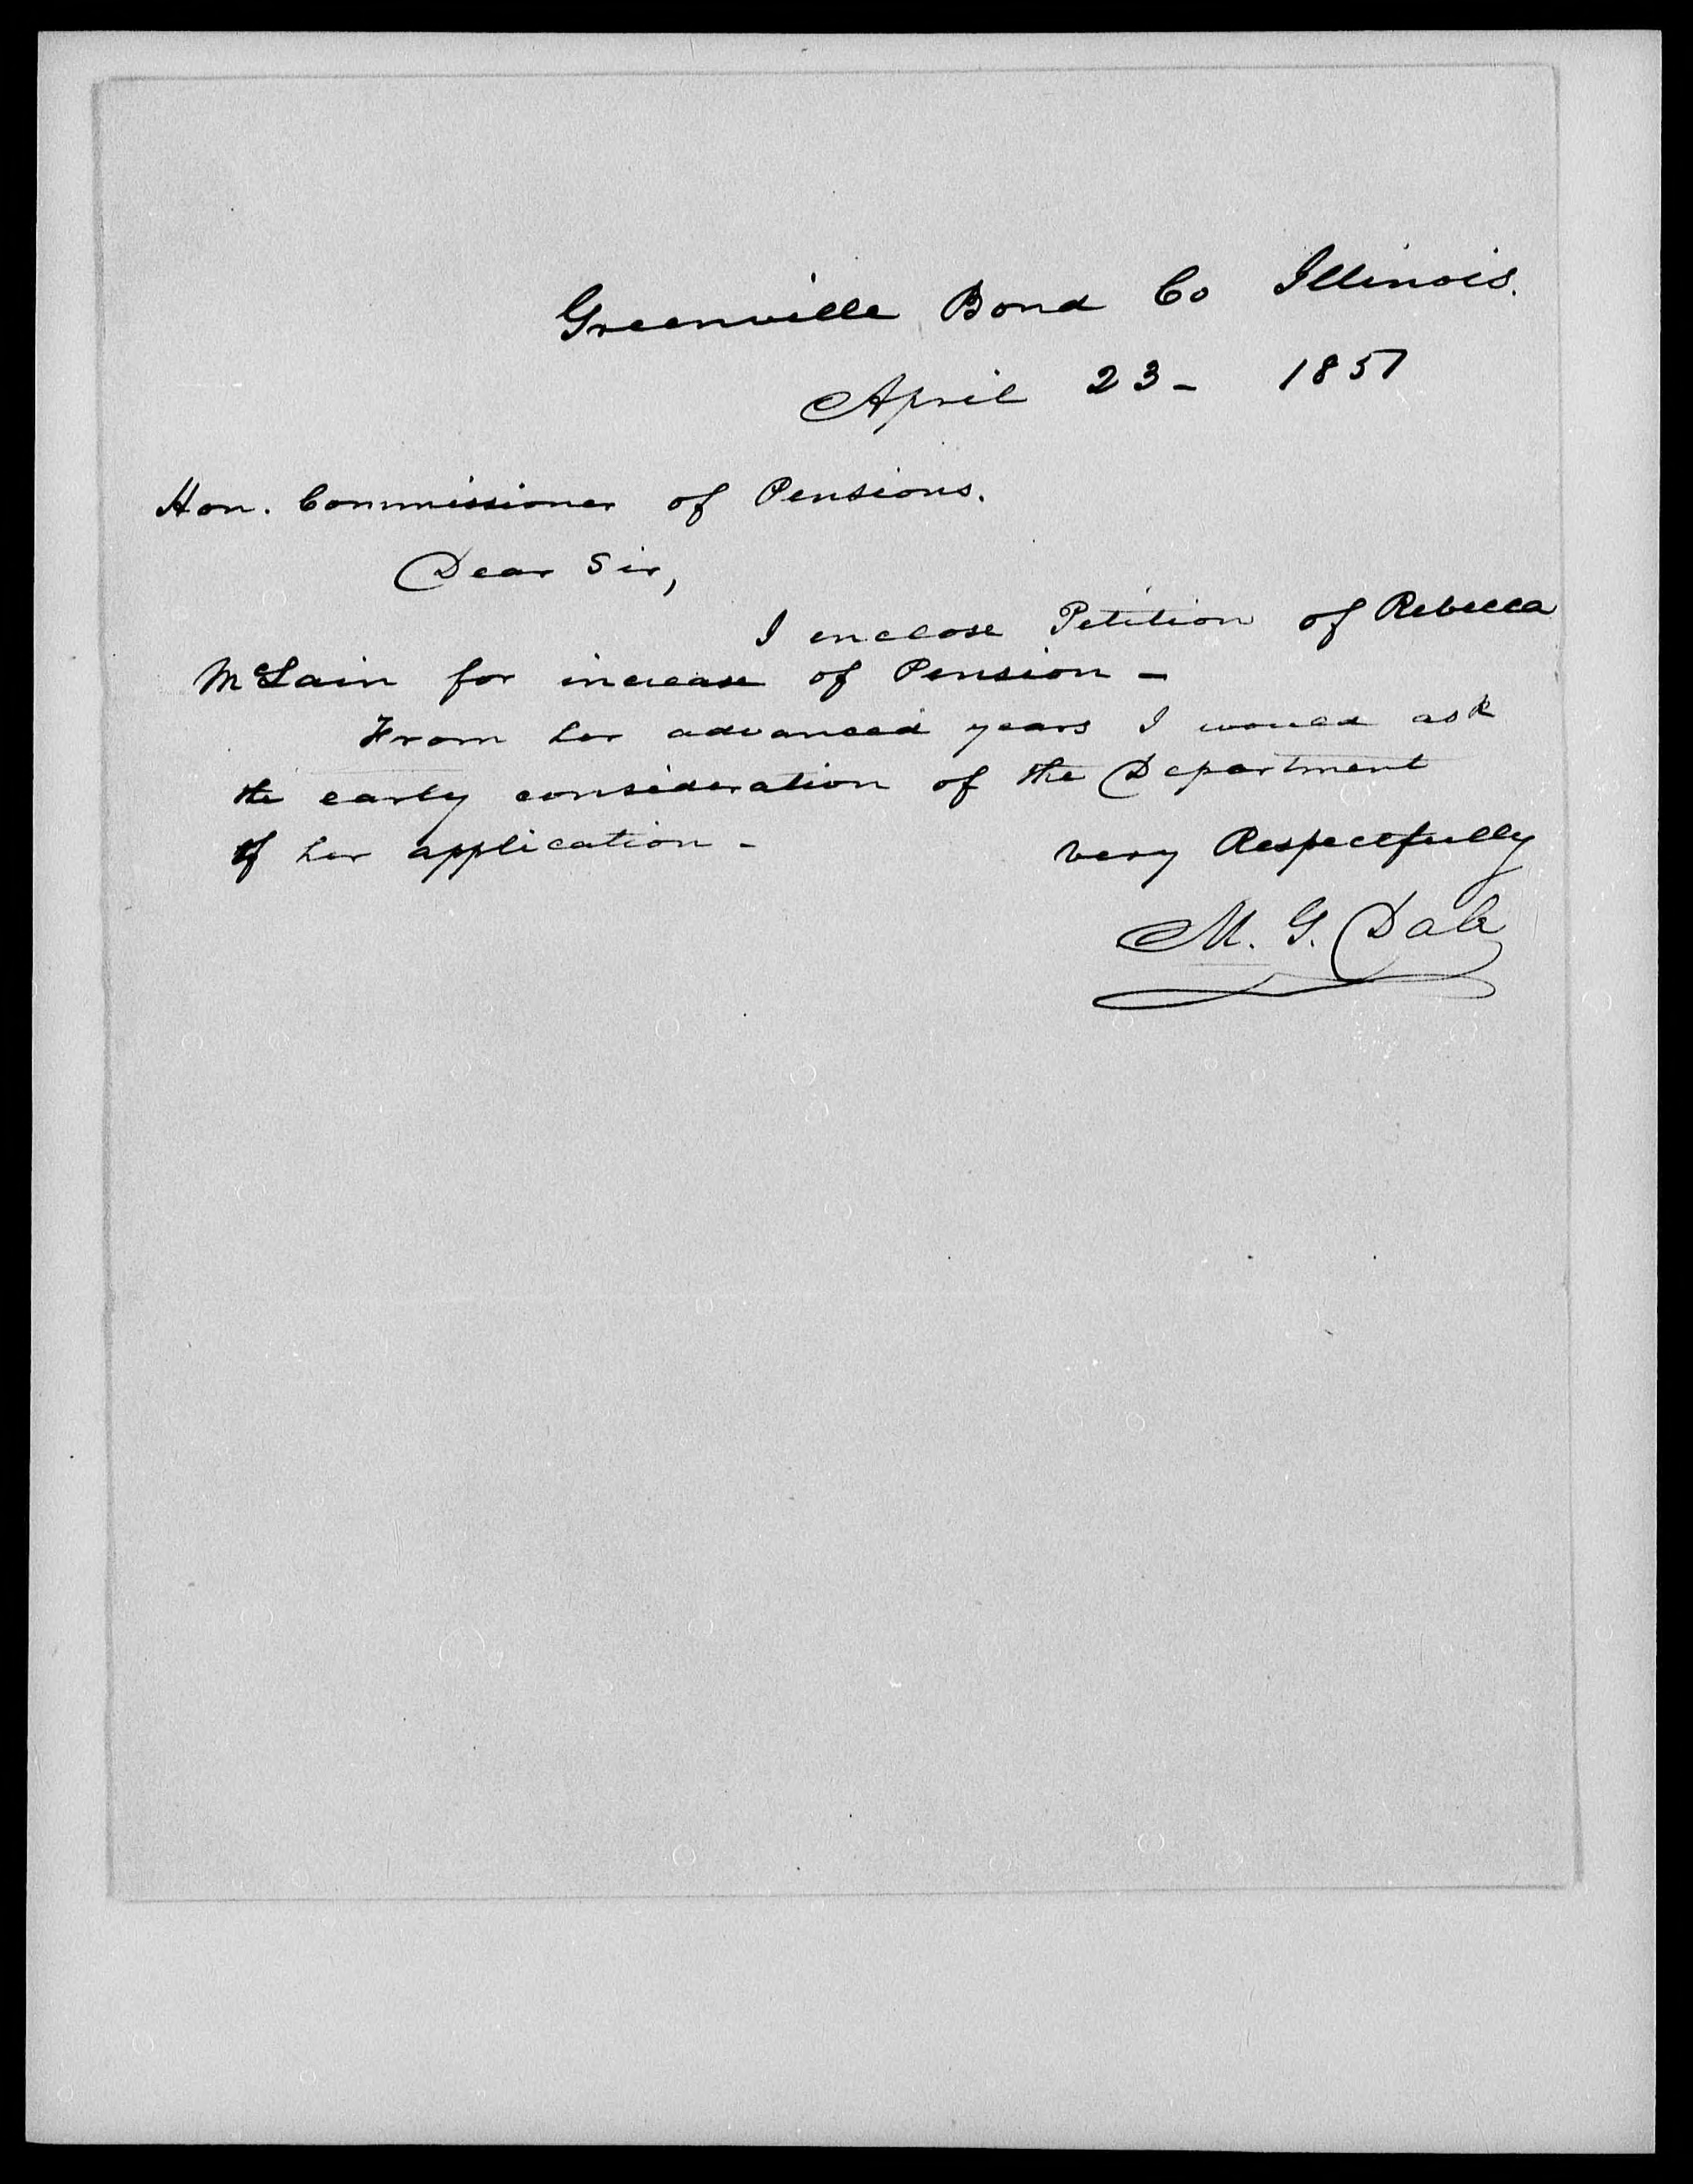Greenville, Bond Co Illinois 
April 23. 1851 

Hon. Commissioner of Pensions,

Dear Sir, 
I enclose Petition of Rebecca McLain for increase of Pension –
From her advanced years I would ask the early consideration of the Department of her application –
Very Respectfully 
M. G. Dale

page: 40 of 67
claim: widow's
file: W. 21793, for George Mc Lain, North Carolina